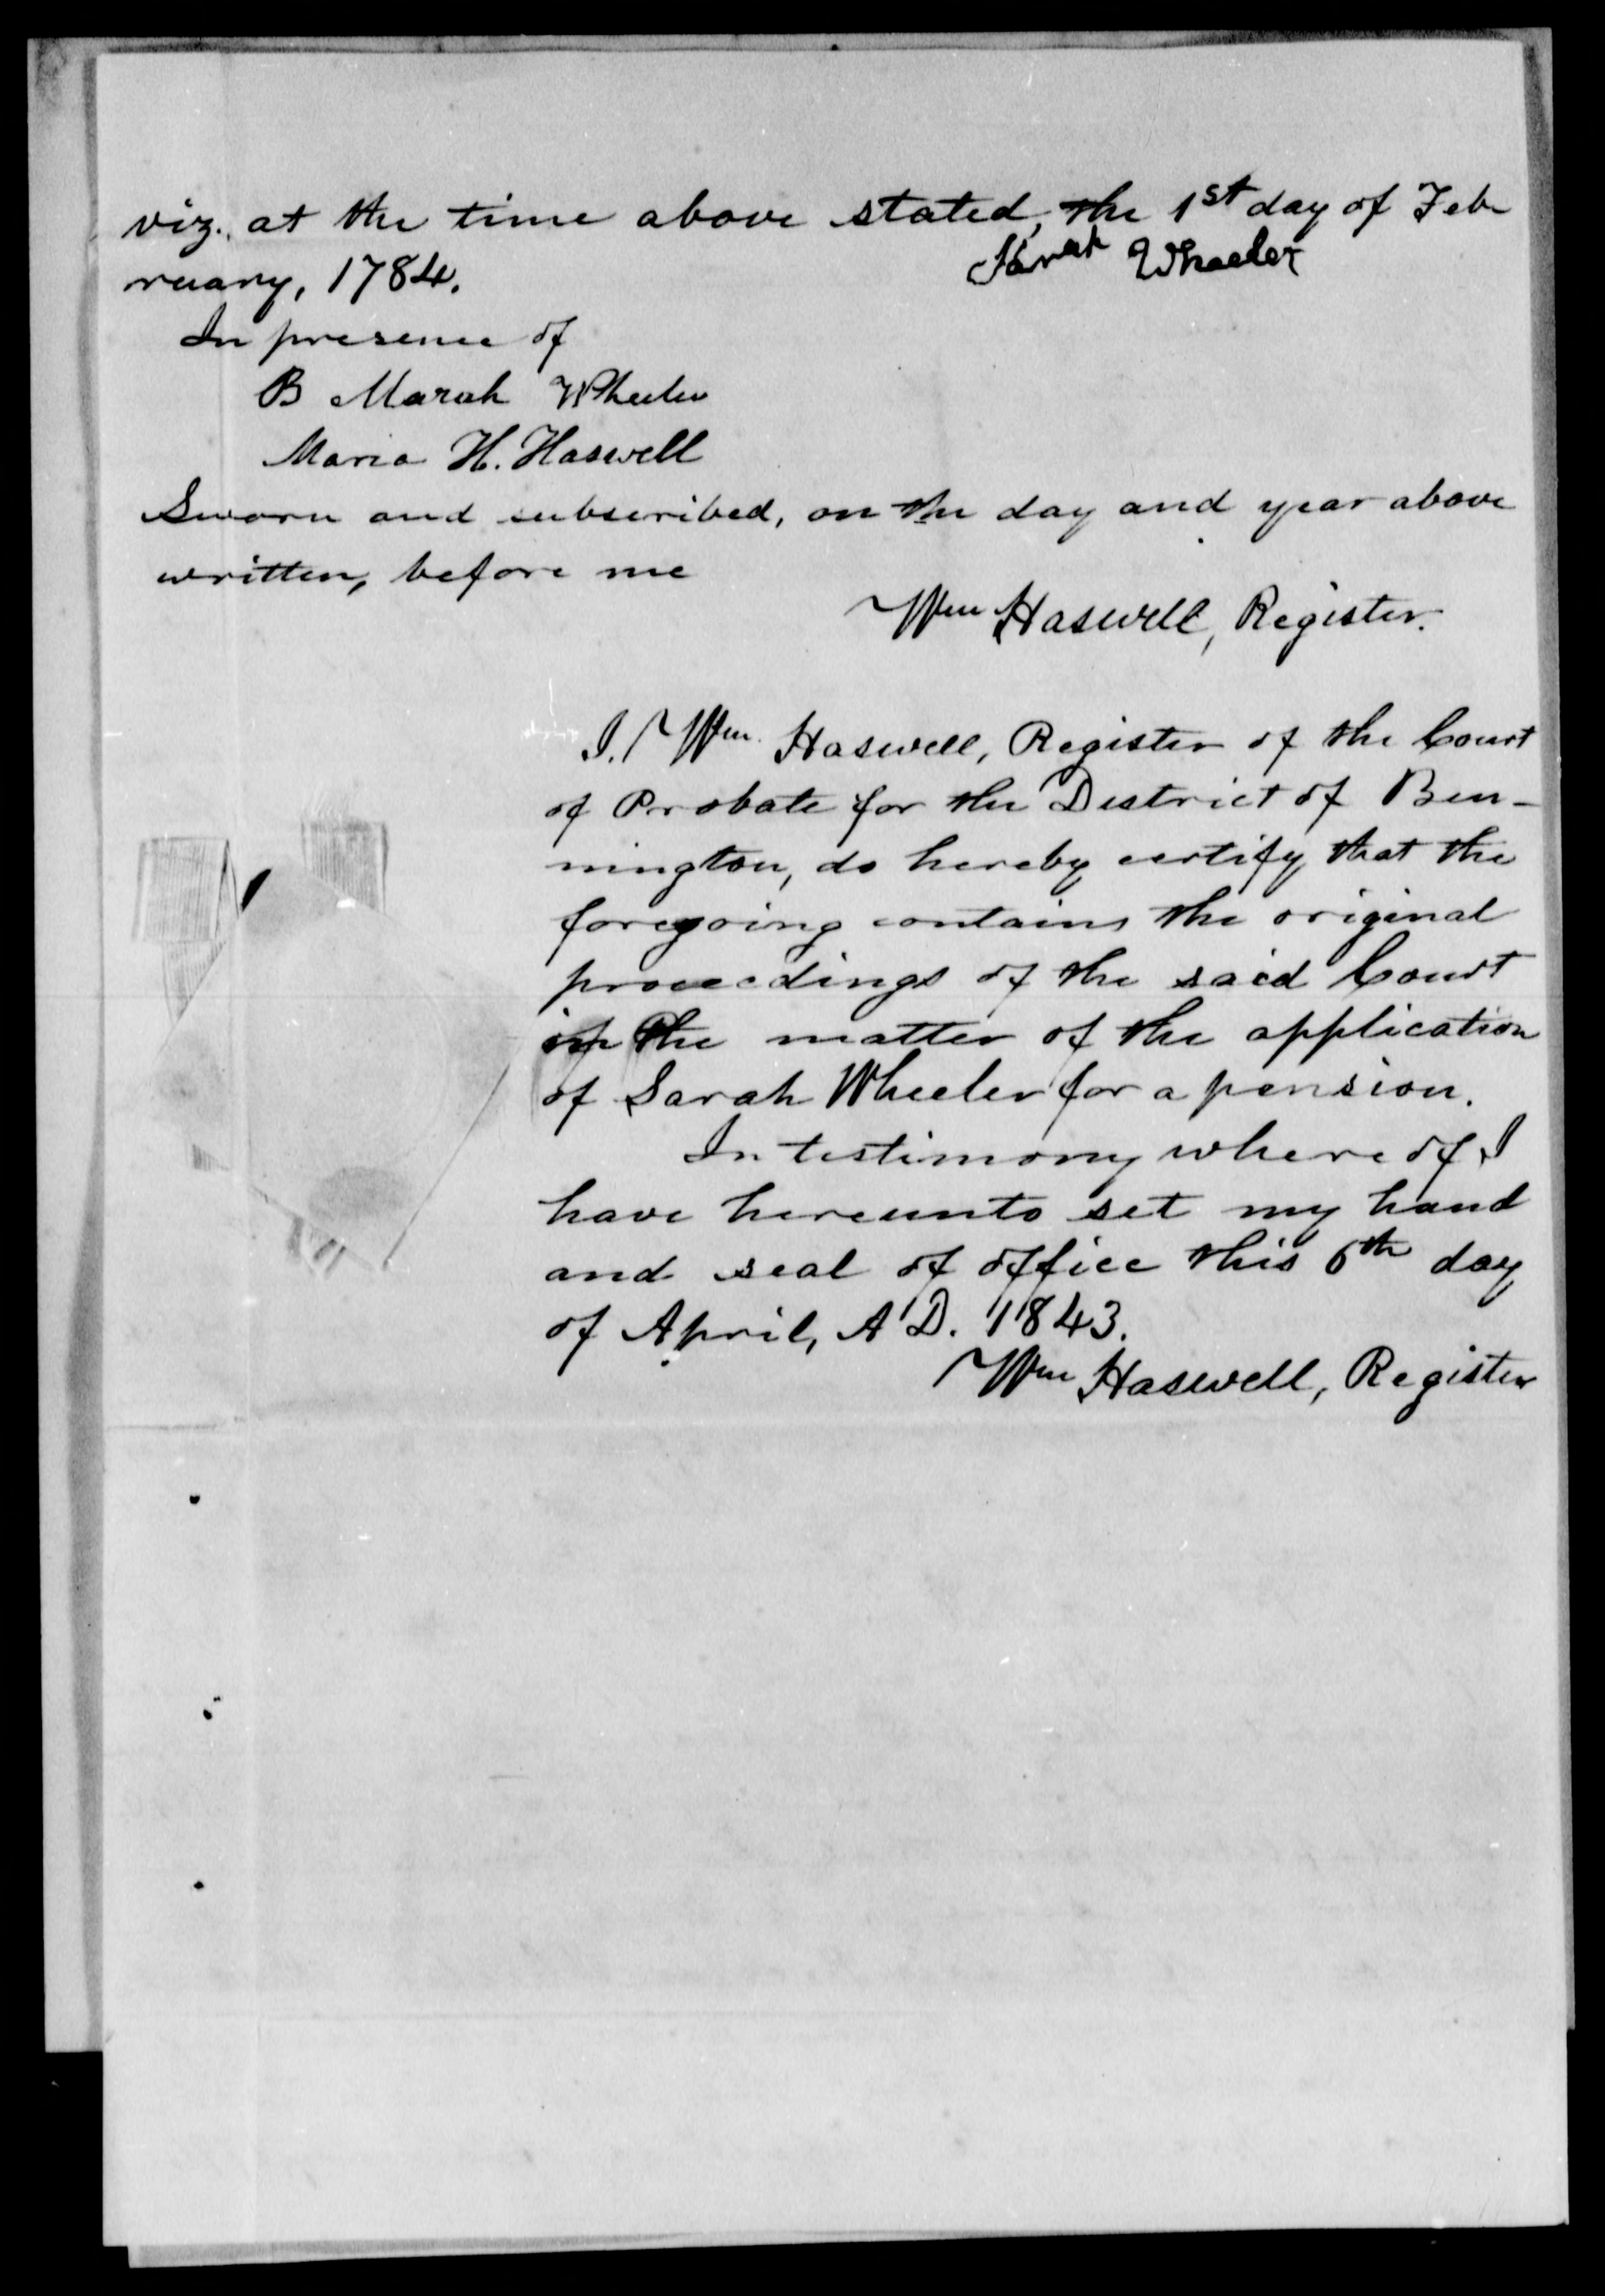viz: at the time above stated the 1st day of February, 1784.
[signature[ Sarah Wheeler

In presence of
B Marah Wheeler
Maria H. Haswell

Sworn and subscribed, on the day and year above written, before me
[signature] Wm Haswell, Register.
 I, Wm. Haswell, Register of the Court of Probate for the District of Bennington, do hereby certify that the foregoing contains the original proceedings of the said Court in the matter of the application of Sarah Wheeler for a pension.
In testimony whereof I have hereunto set my hand and seal of office this 6th day of April, A.D. 1843.
[signature] Wm Haswell, Register

[illegible Seal of Office affixed at left]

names: Wm Haswell, Sarah Wheeler, B Marah Wheeler, Maria H Haswell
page: 17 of 29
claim: widow's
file: W. 22604, Prosper Wheeler, Conn.